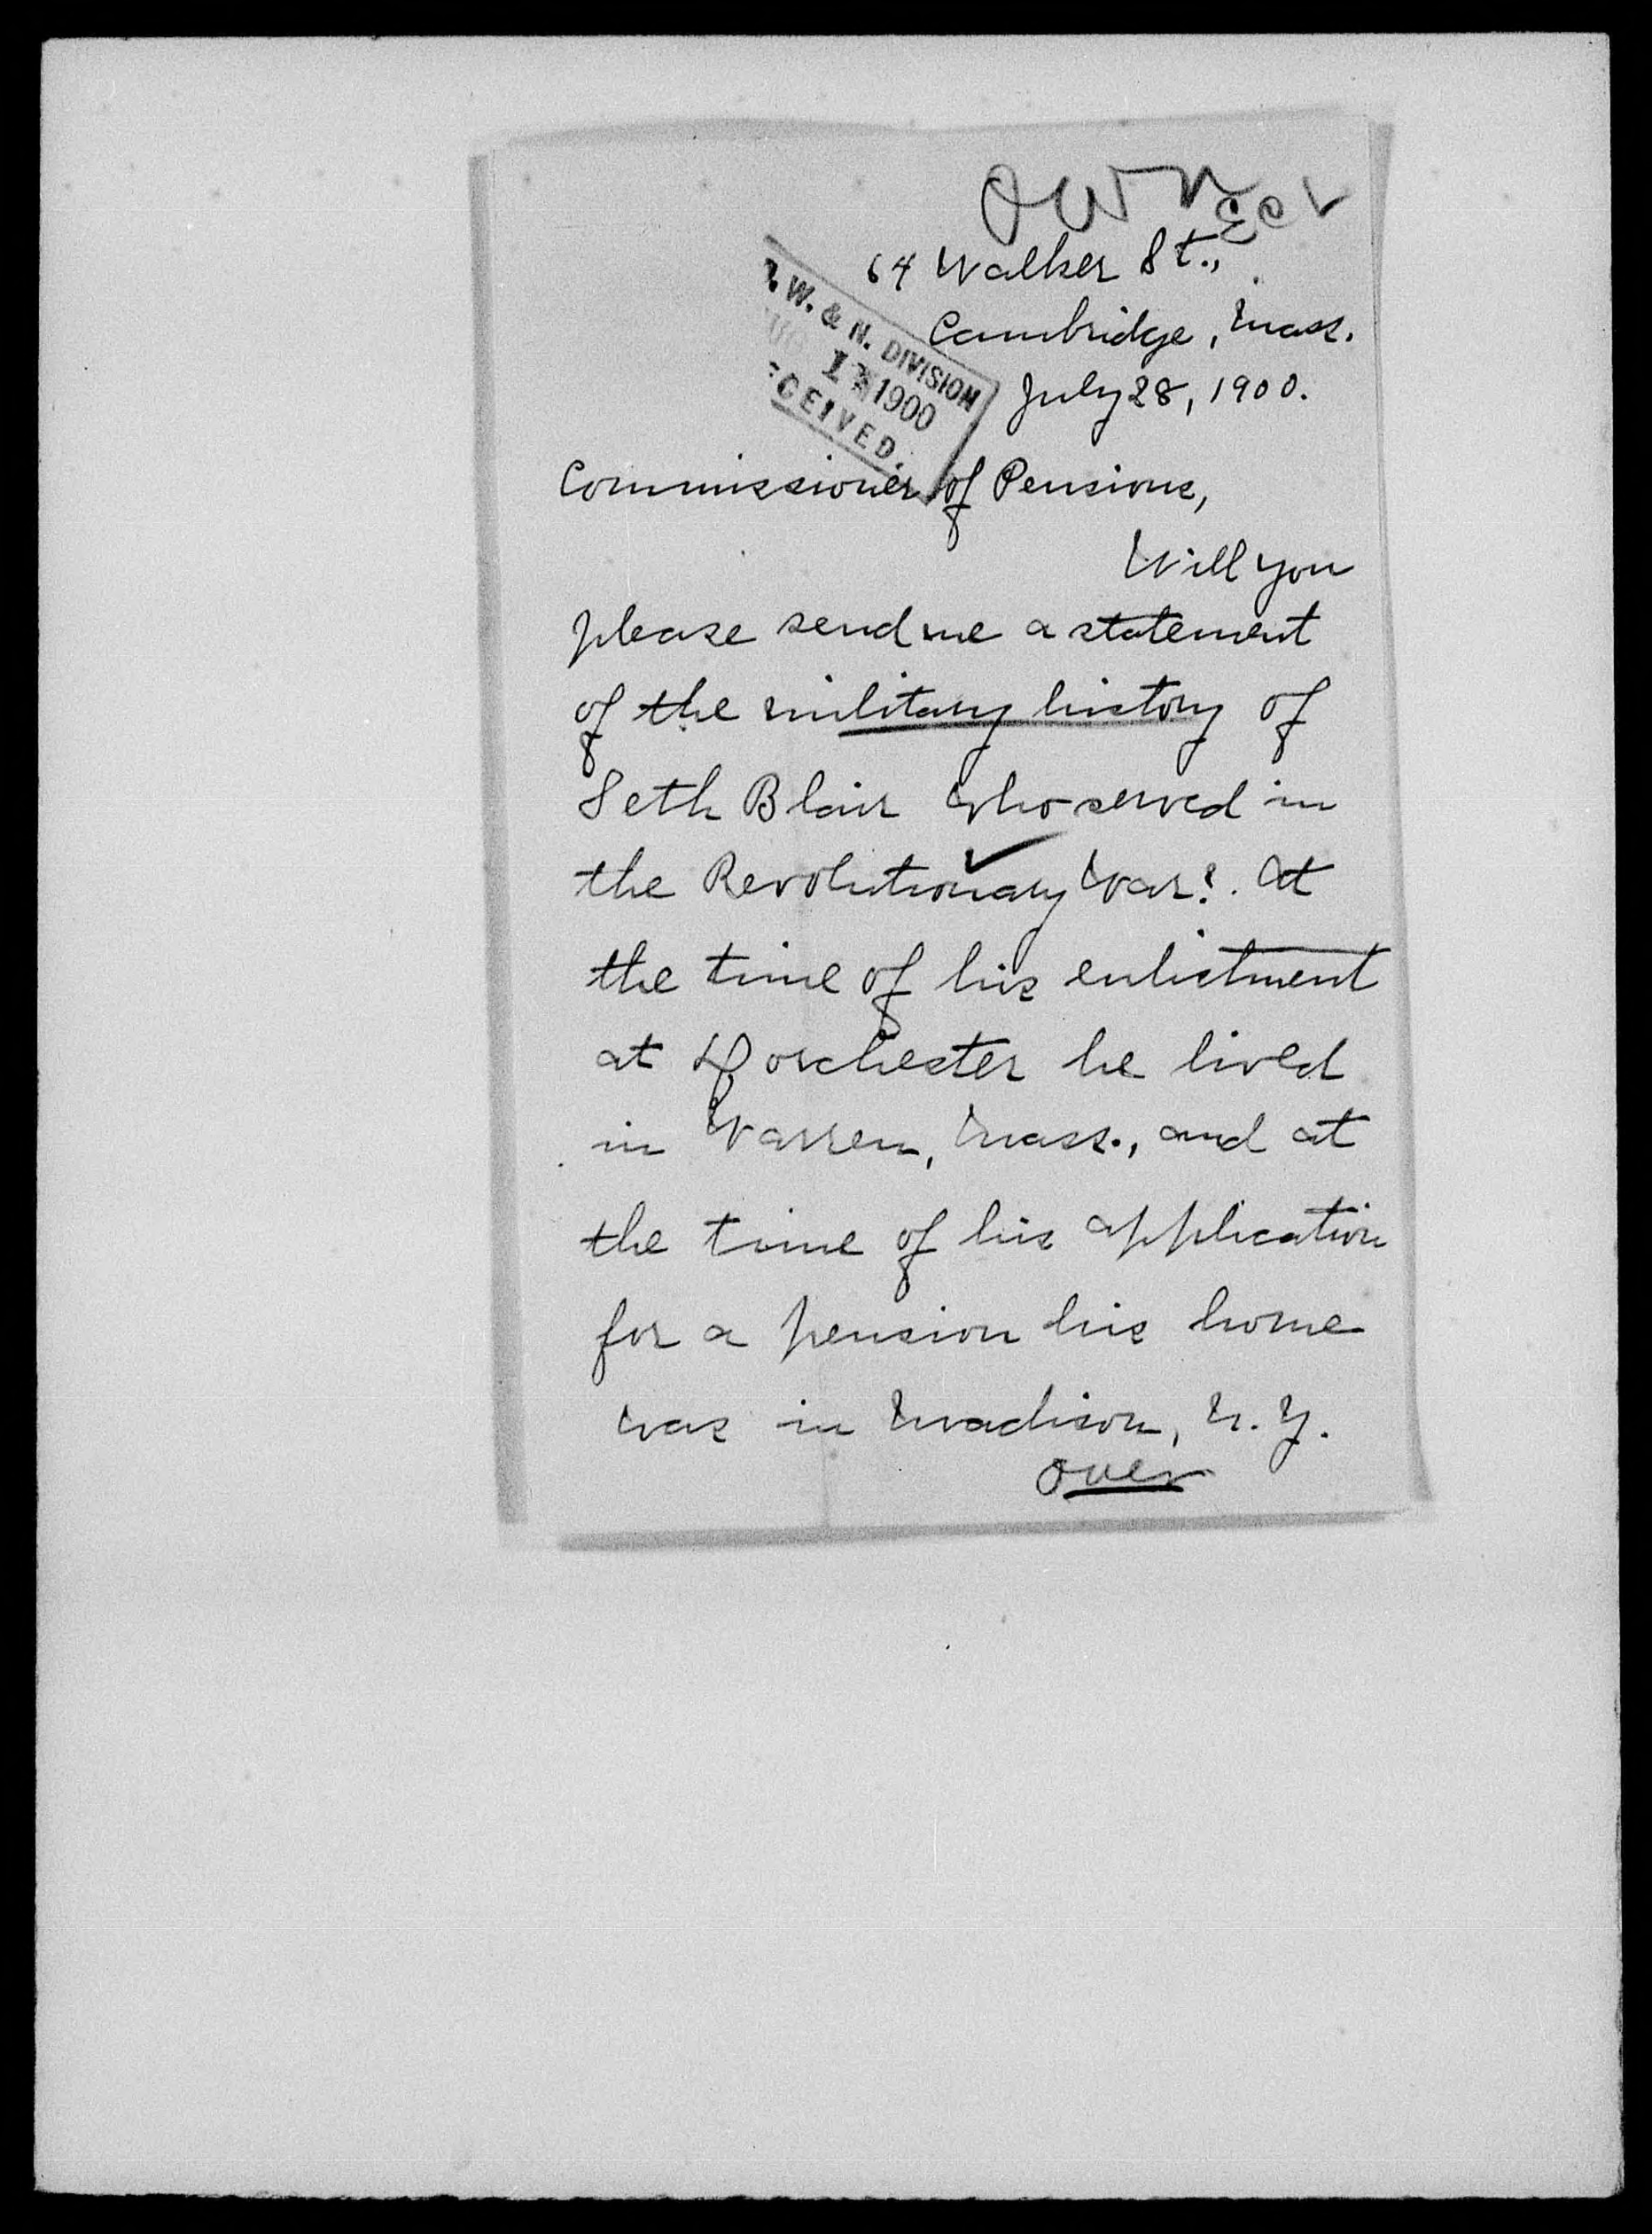64 Walker St., 
Cambridge, Mass.
July 28, 1900. 

Commissioner of Pensions, 
Will you please send me a statement of the military history of Seth Blair who served in the Revolutionary War? At the time of his enlistment at Dorchester he lived in Warren, Mass., and at the time of his application for a pension his home was in Madison, N.Y. 

over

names: Seth Blair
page: 44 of 68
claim: survivor's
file: S. 29,877, Daniel Harris, Mass.